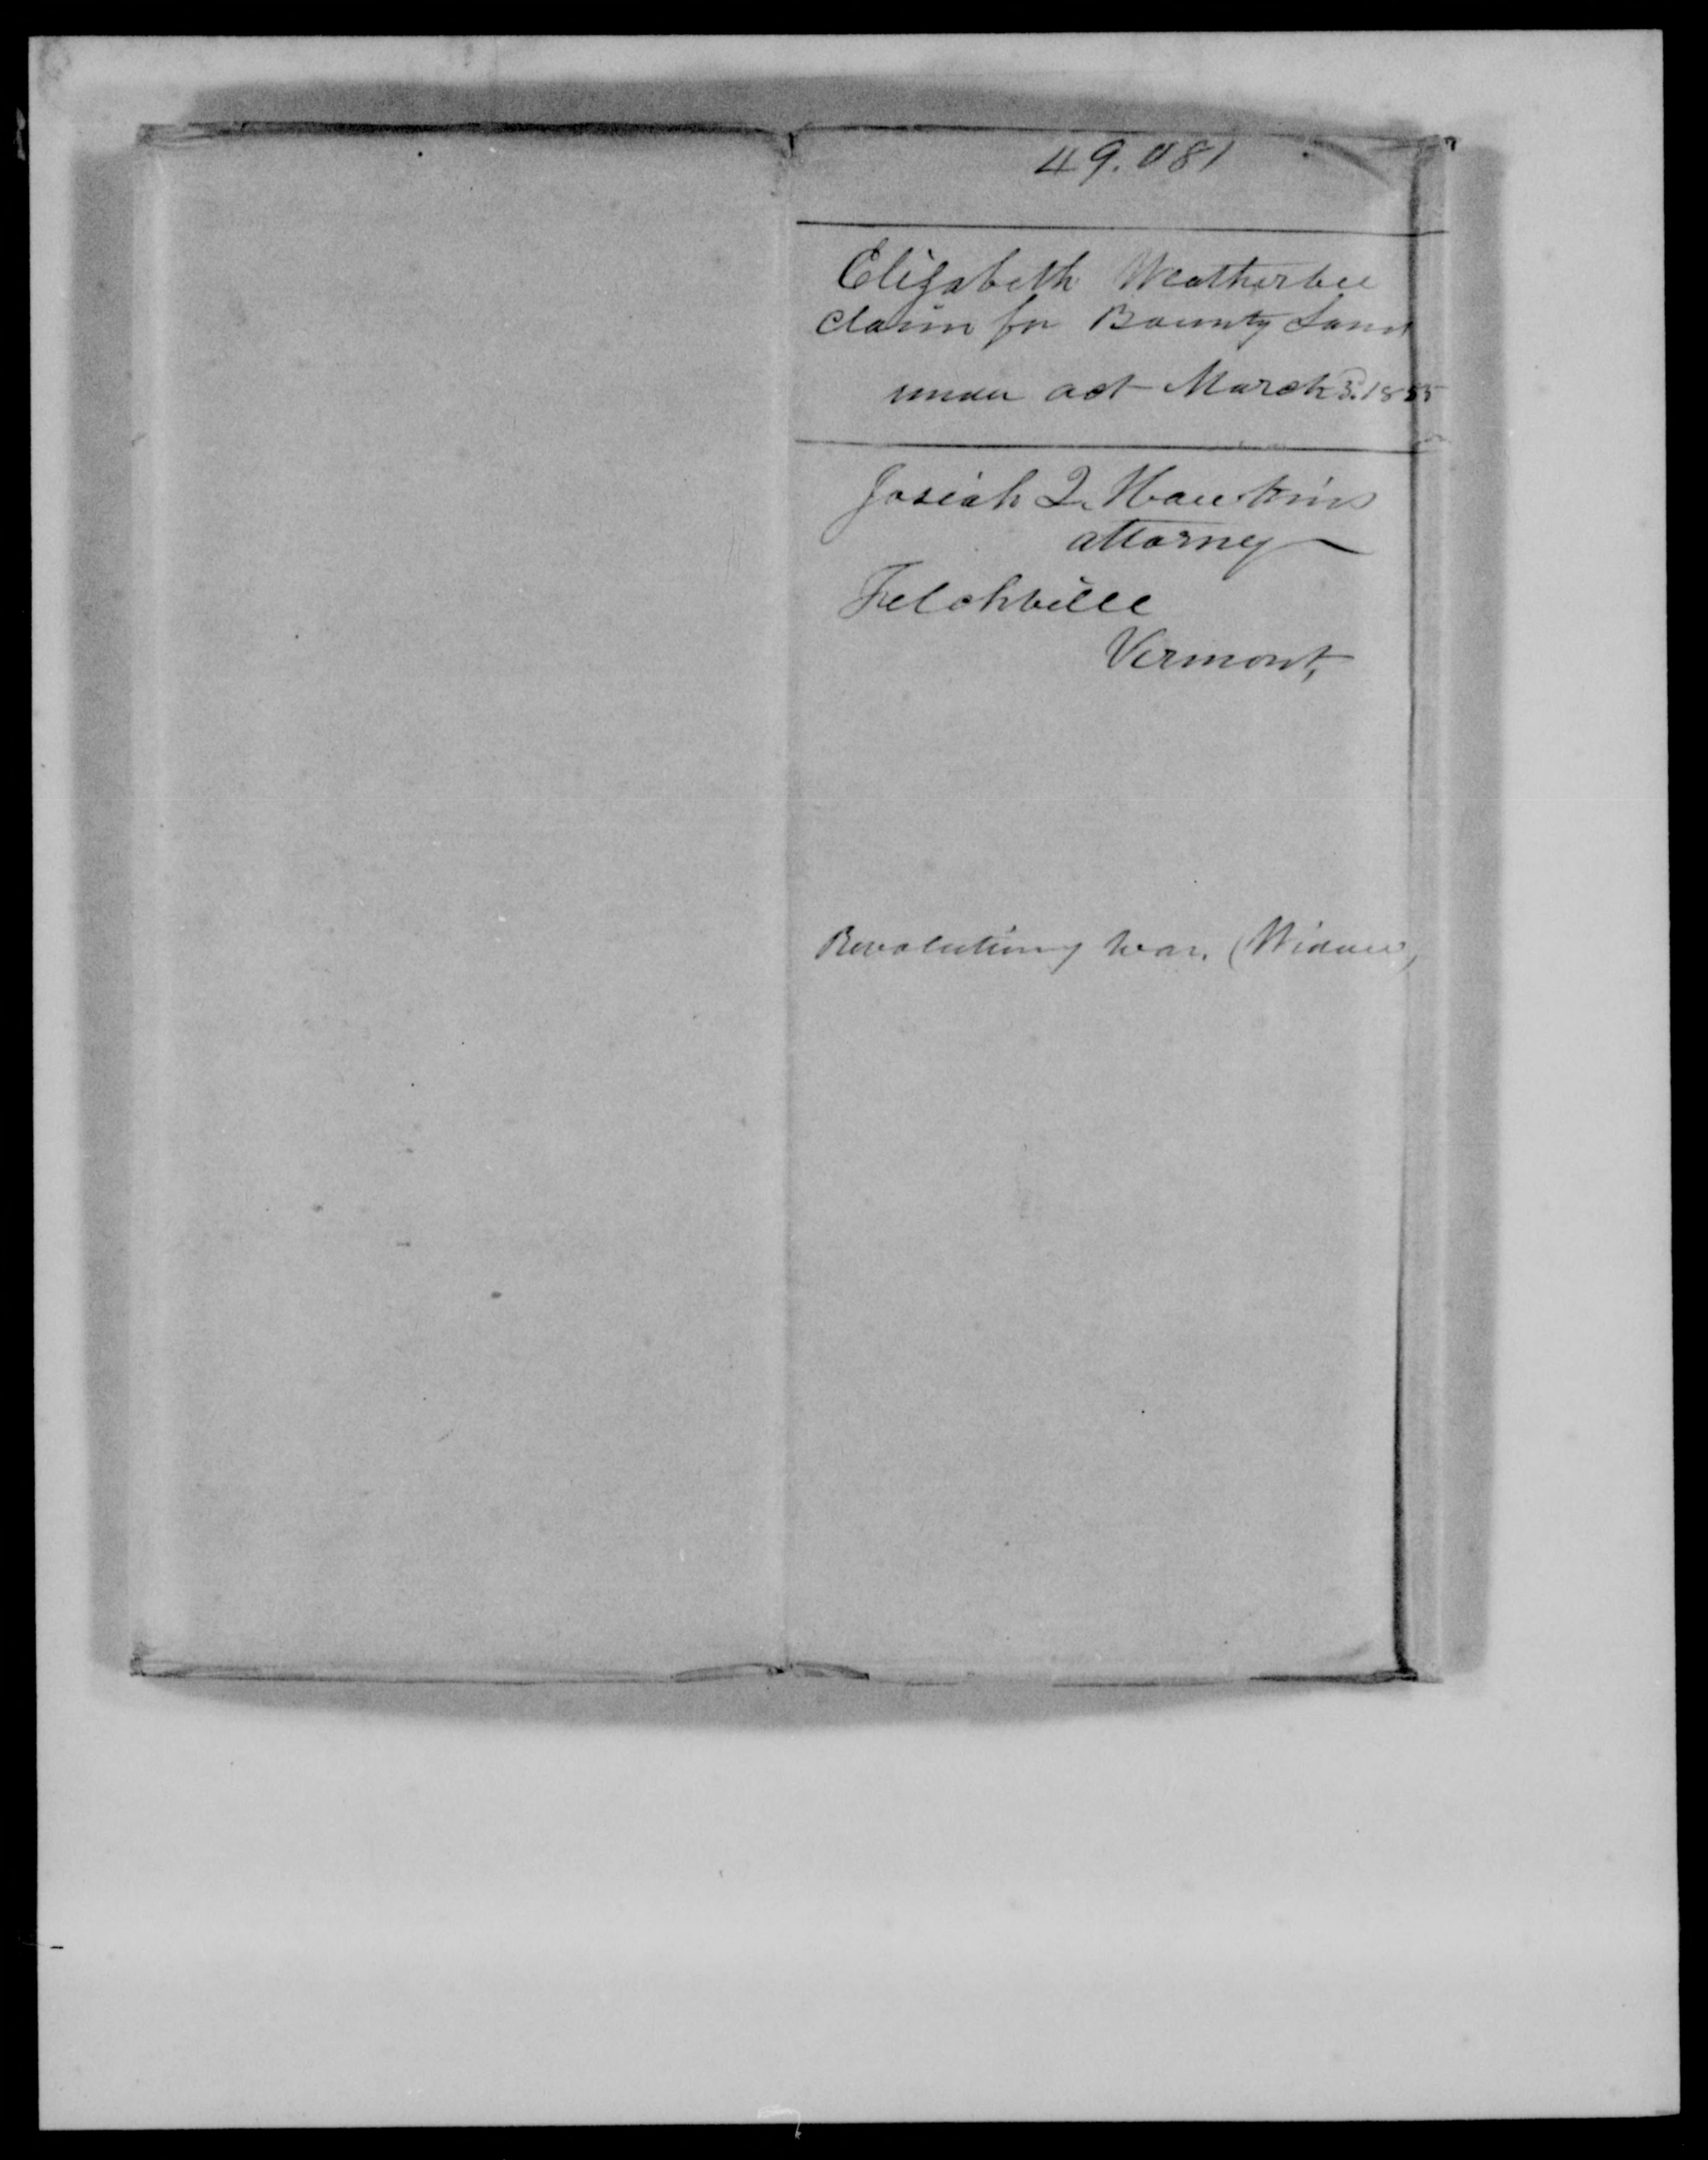49.081
Elizabeth Weatherbee
claim for Bounty Land under act March 3d 1855

Josiah Q. Hawkins, attorney
Felchville, Vt.

Revolutionary War (Widow)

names: Elizabeth Weatherbee, Josiah Q Hawkins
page: 5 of 66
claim: widow's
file: W. 2468, Amos Wetherbee, Mass.